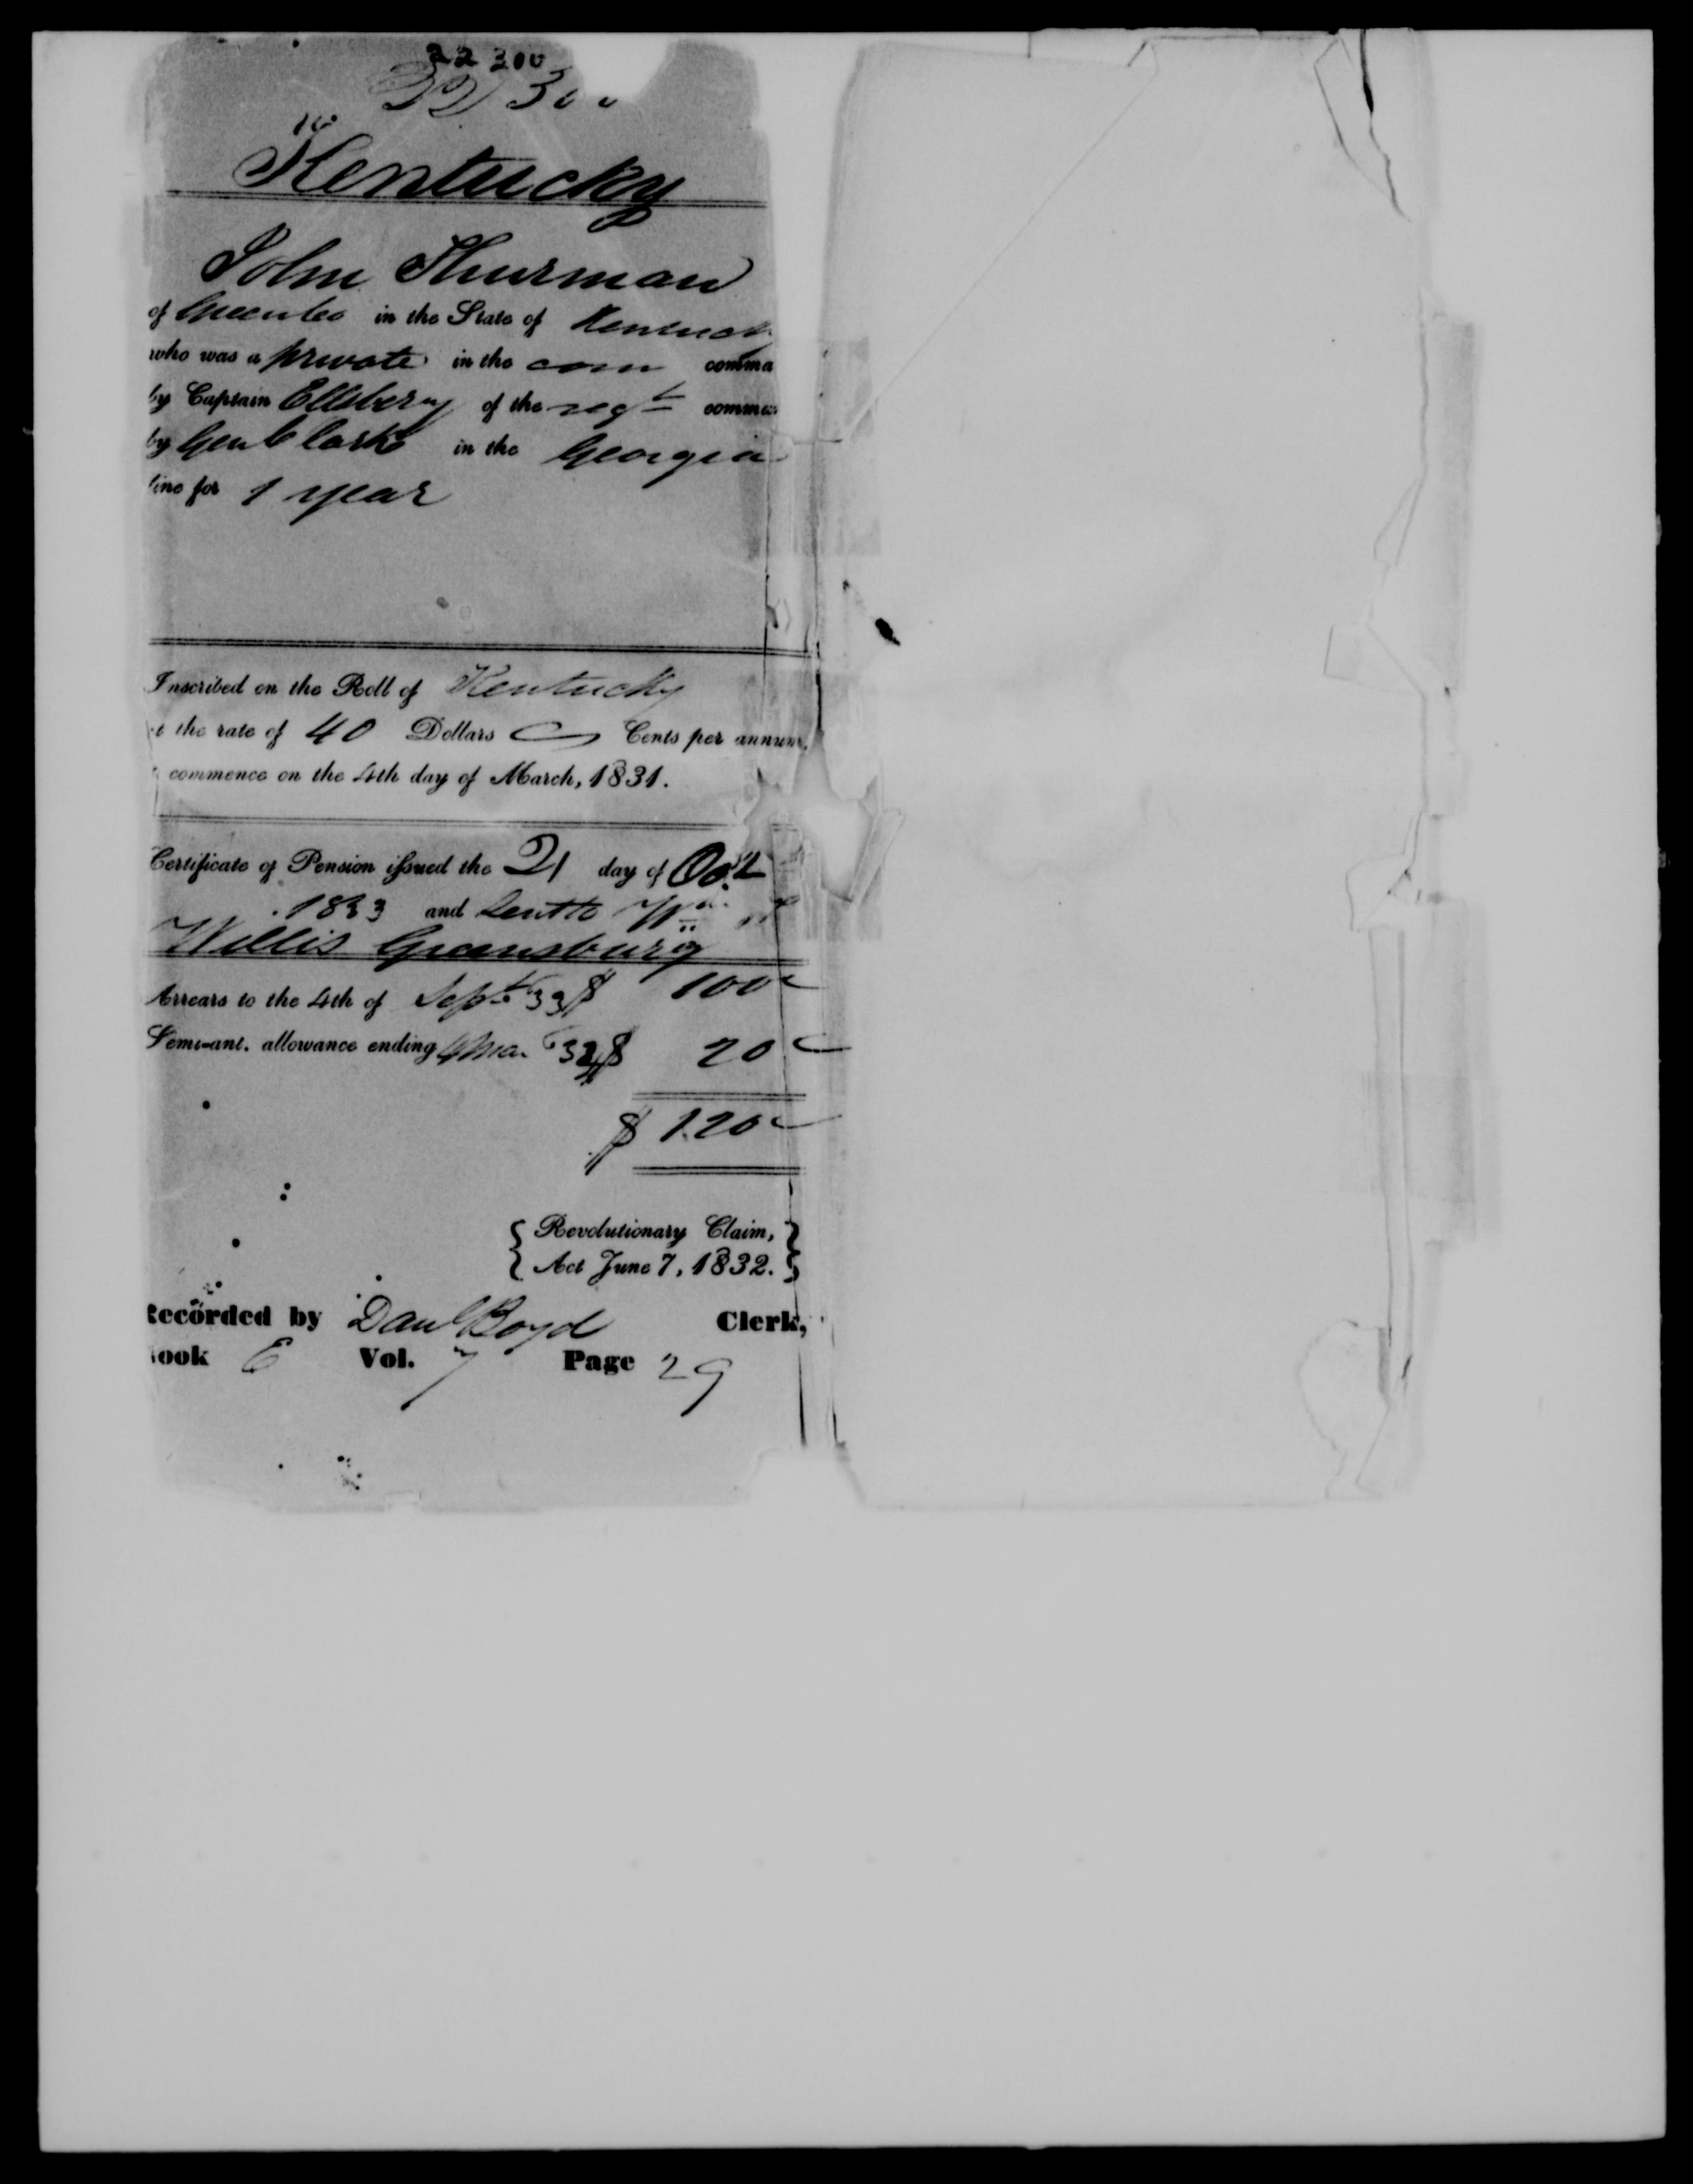[preprinted form with handwritten answers]
22300
323
Kentucky
John Thurman
of Green Co in the State of Kentucky
who was a private in the [illegible] comma
by Captain Ellsbery of the regt command
by Gen Clark in the Georgia 
line for 1 year
Inscribed on the Roll of Kentucky
the rate of 40 Dollars - Cents per annum.
commence on the 4th day of March, 1831.
Certificate of Pension issued the 21 day of Oct
1833 and sent to Wm. 
Willis Greensbury
Arrears to the 4th of Sept 33 $ 100
Semi-ant. allowance ending 4 Mar 32 $ 20
$120
Revolutionary Claim,
Act June 7, 1832.
Recorded by Danl Boyd Clerk,
Book E Vol. 7 Page 29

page: 2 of 53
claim: widow's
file: W. 6,267, for John Thurman, Georgia